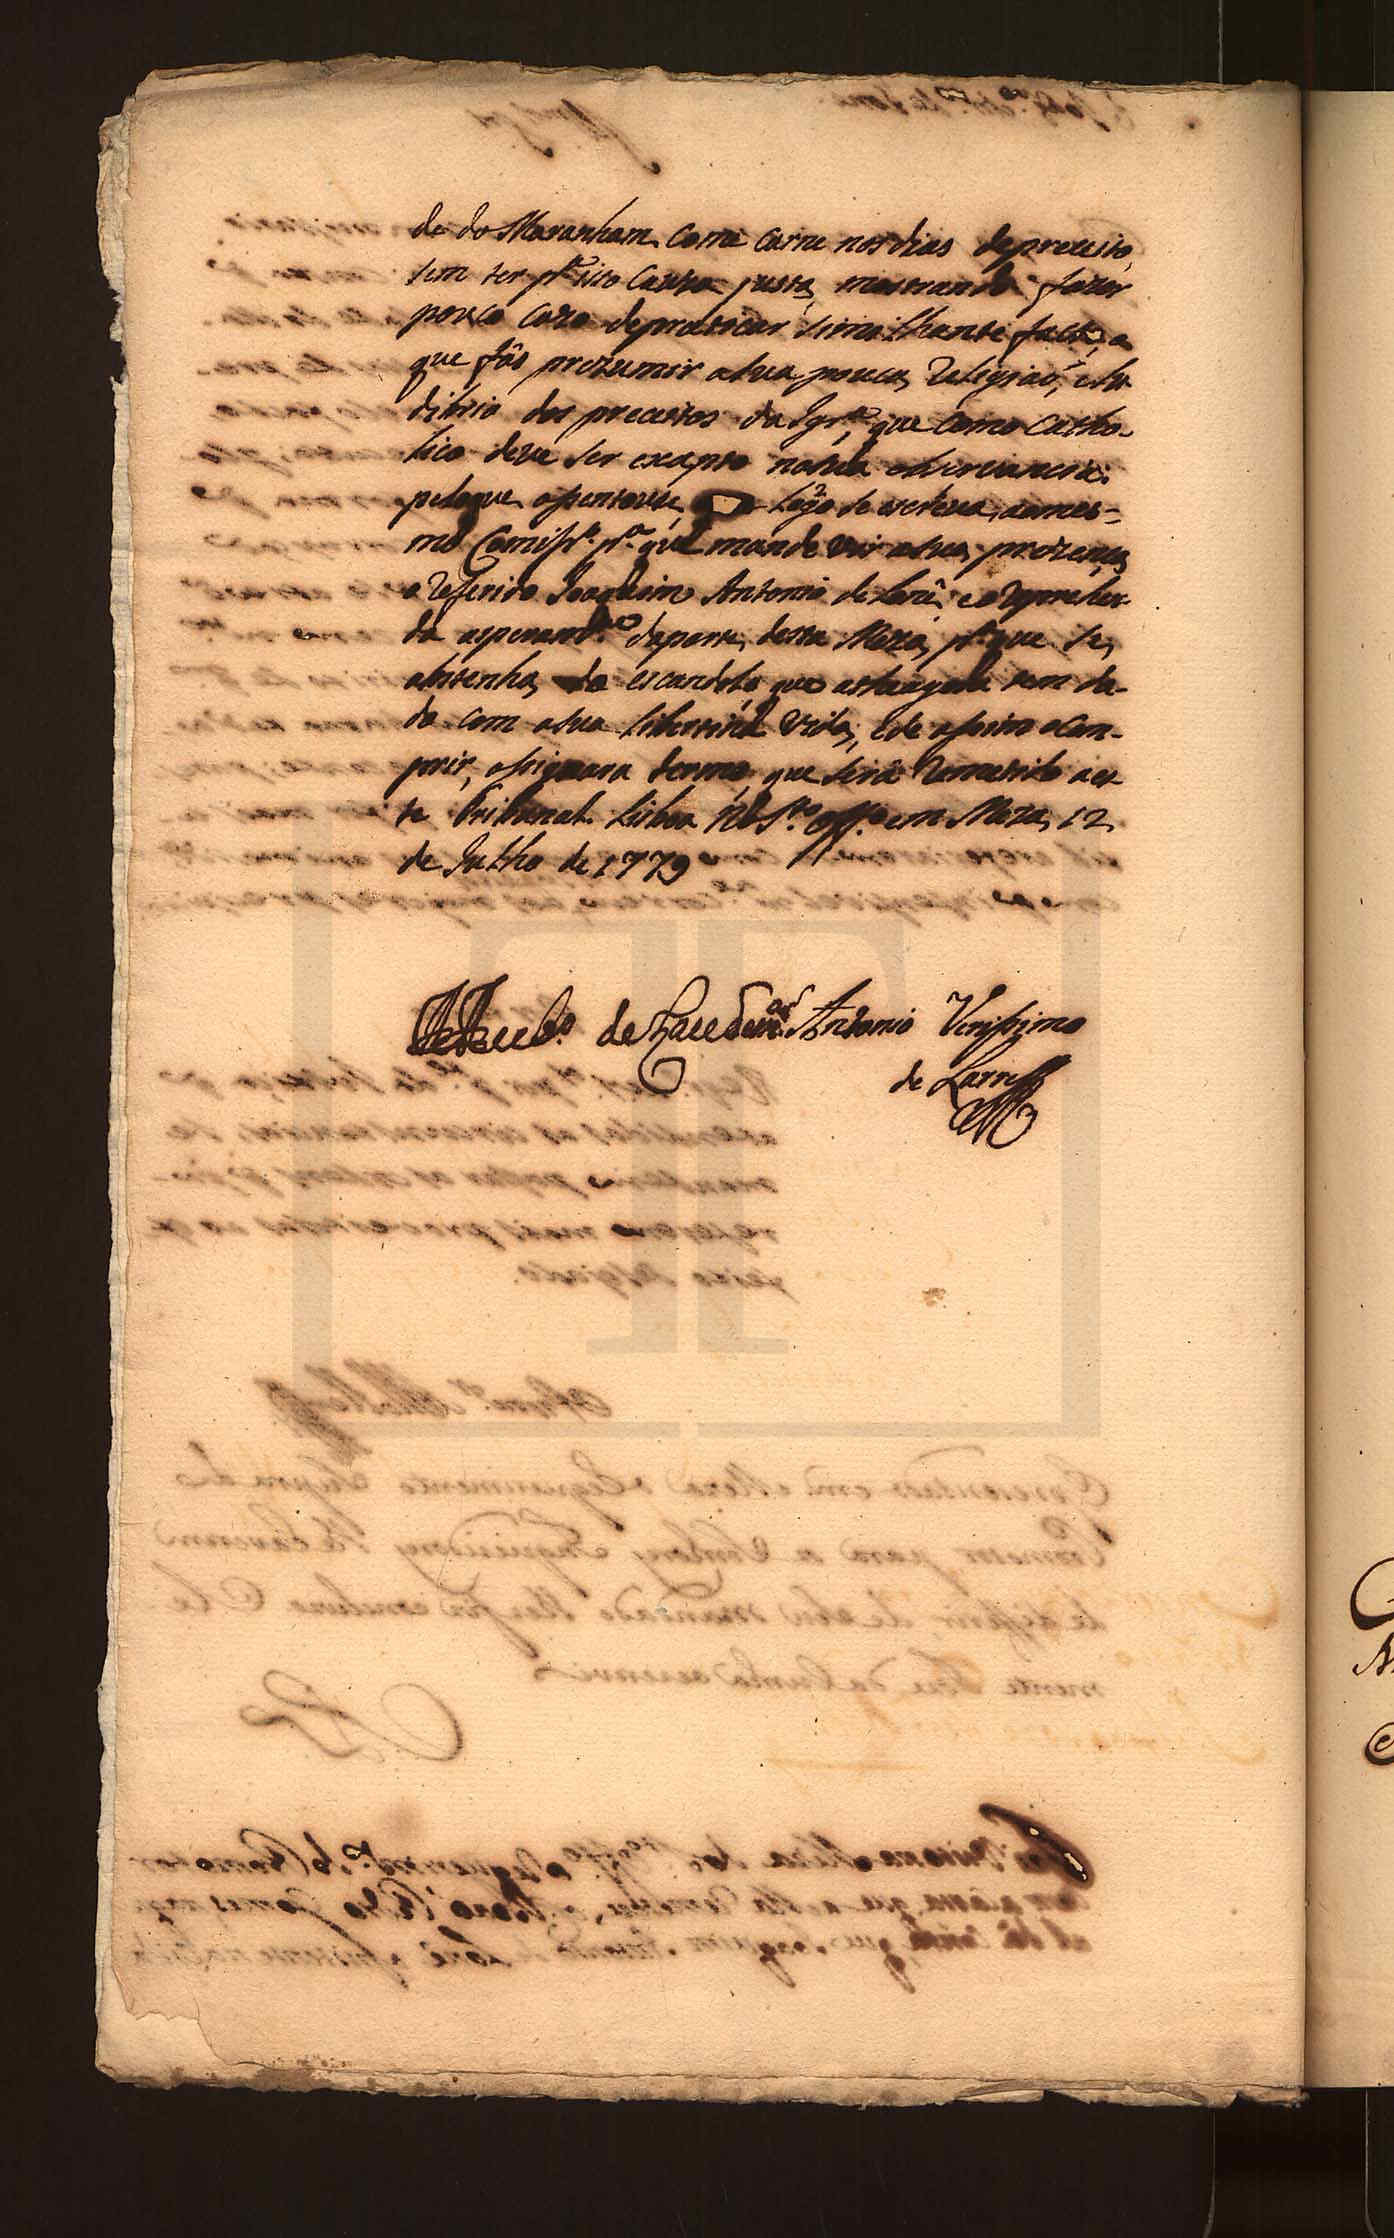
de do Maranham come carne nos dias de preceito,
sem ter p.a isso cauza justa, mostrando fazer
pouco cazo de praticar similhante facto, o
que fás prezumir a sua pouca Religiaõ, e Iu
dibrio dos preceitos da Igr.a, que como catho
lico deve ser exapto na sua observancia:
pelo que assentouse, _ Logo se escreua, ao mes
mo Comisr.o p.a que mande vir a sua prezença
o Referido Ioaquim Antonio de Loné, e o Reprehen
da asperam.te da parte desta Meza, p.a que se
abstenha do escandolo, que athe agora tem da
do com a sua libertina vida; e de assim o com
prir, assignara termo, que será Remetido a es
te Tribunal. Lisboa no s.to off.o em Meza 12
de Iulho de 1779
ARceb.o de Lacedem.a Antonio Verissimo
de Larre
